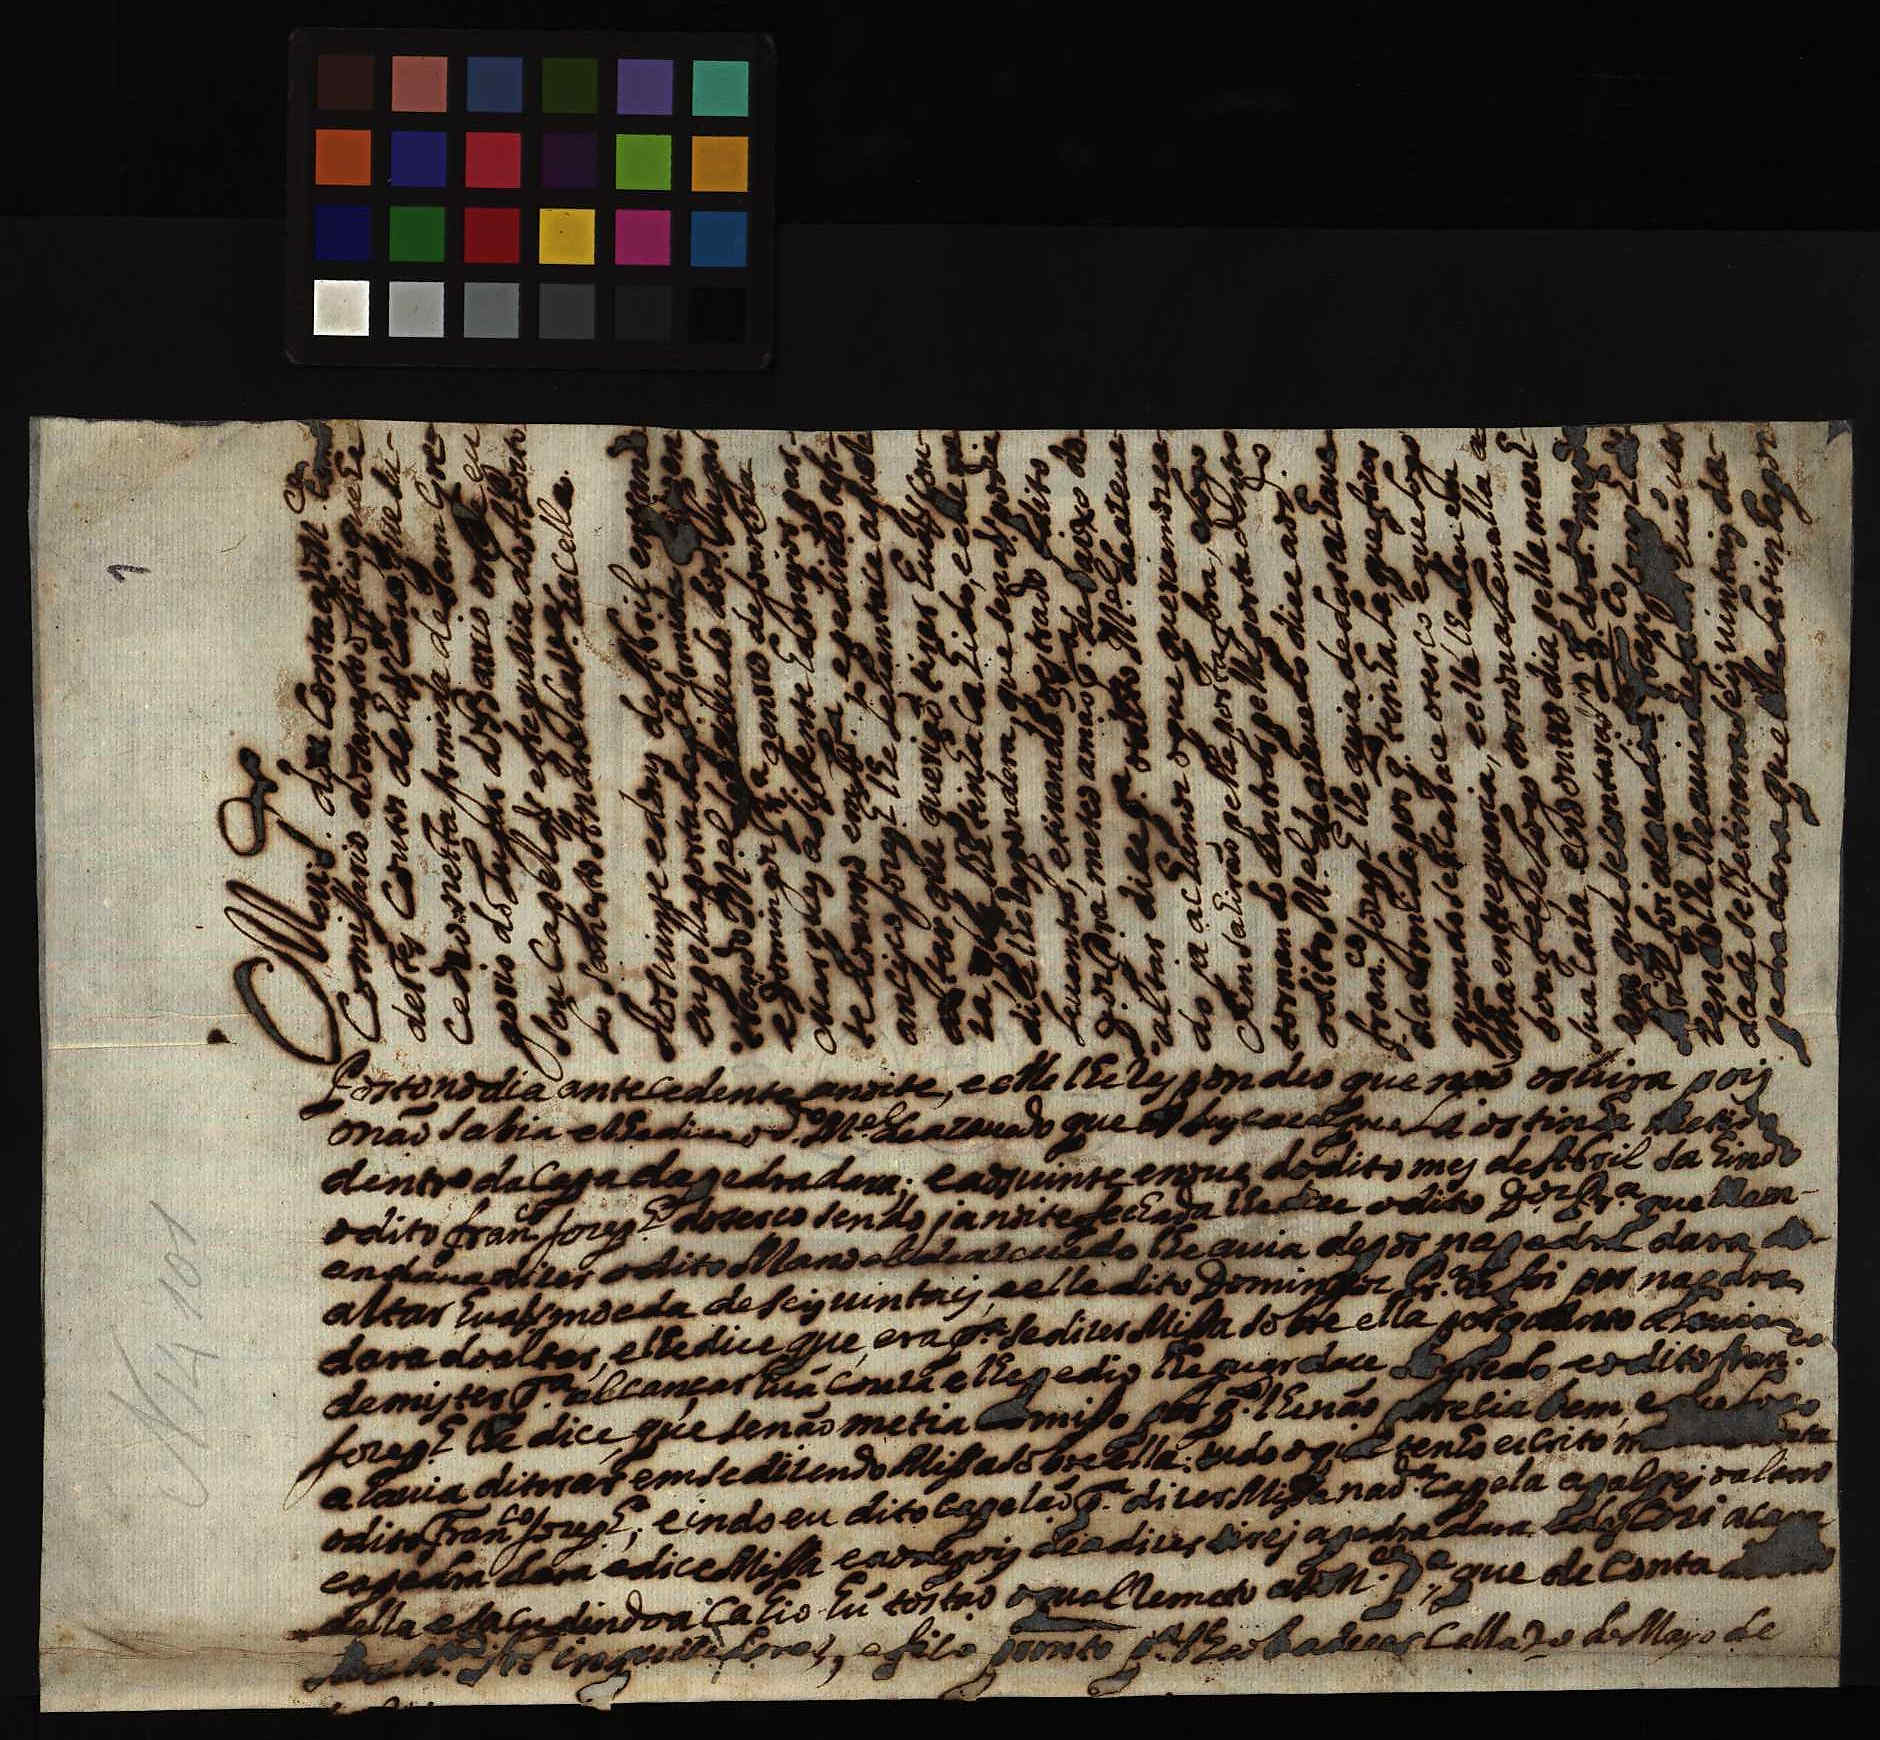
Posto no dia antecedente a noite, e elle lhe Respondeo que naõ os uira pois
o naõ sabia e lhe dice o d.o M.el de azeuedo que os buscace que o Lá os tinha
dentro da capa da pedra dara; e aos uinte e noue do dito mes de Abril sahindo
o dito franco Jozeph do terço sendo ja noite fechada lhe dice o dito D.oz Pr.a que Nam
andaua dizer o dito Manoel de azeuedo lhe auia de por na pedra dara
altar huā moeda de seis uintais, e elle dito Domingoz Pr.a se foi por na pedra
dara do altar, e lhe dice que, era p.a se dizer Misa sobre ella porqu_nto hauia
de mister p.a alcançar huā couza e lhe pedio lhe guardace segredo e o dito fran.co
Jozeph lhe dice, que se não metia Com iso por q. lhe não parecia bem, e que Logo
a hauia di tirar em se dizendo Missa sobre ella: tudo o que tenho escrito m
o dito Franco Jozeph; e indo eu dito capelaõ p.a dizer Missa na d.a capela apalpej o altar
e a pedra dara e dice Missa e ao depois de a dizer tirej a pedra dara e desCozi a capa
della e sacudindoa cahio hū tostaõ o qual Remeto a v m.ce p.a que de conta
sr.s inquisidores, e fico pronto p.a lhe obedecer Cella 20 de Mayo de
